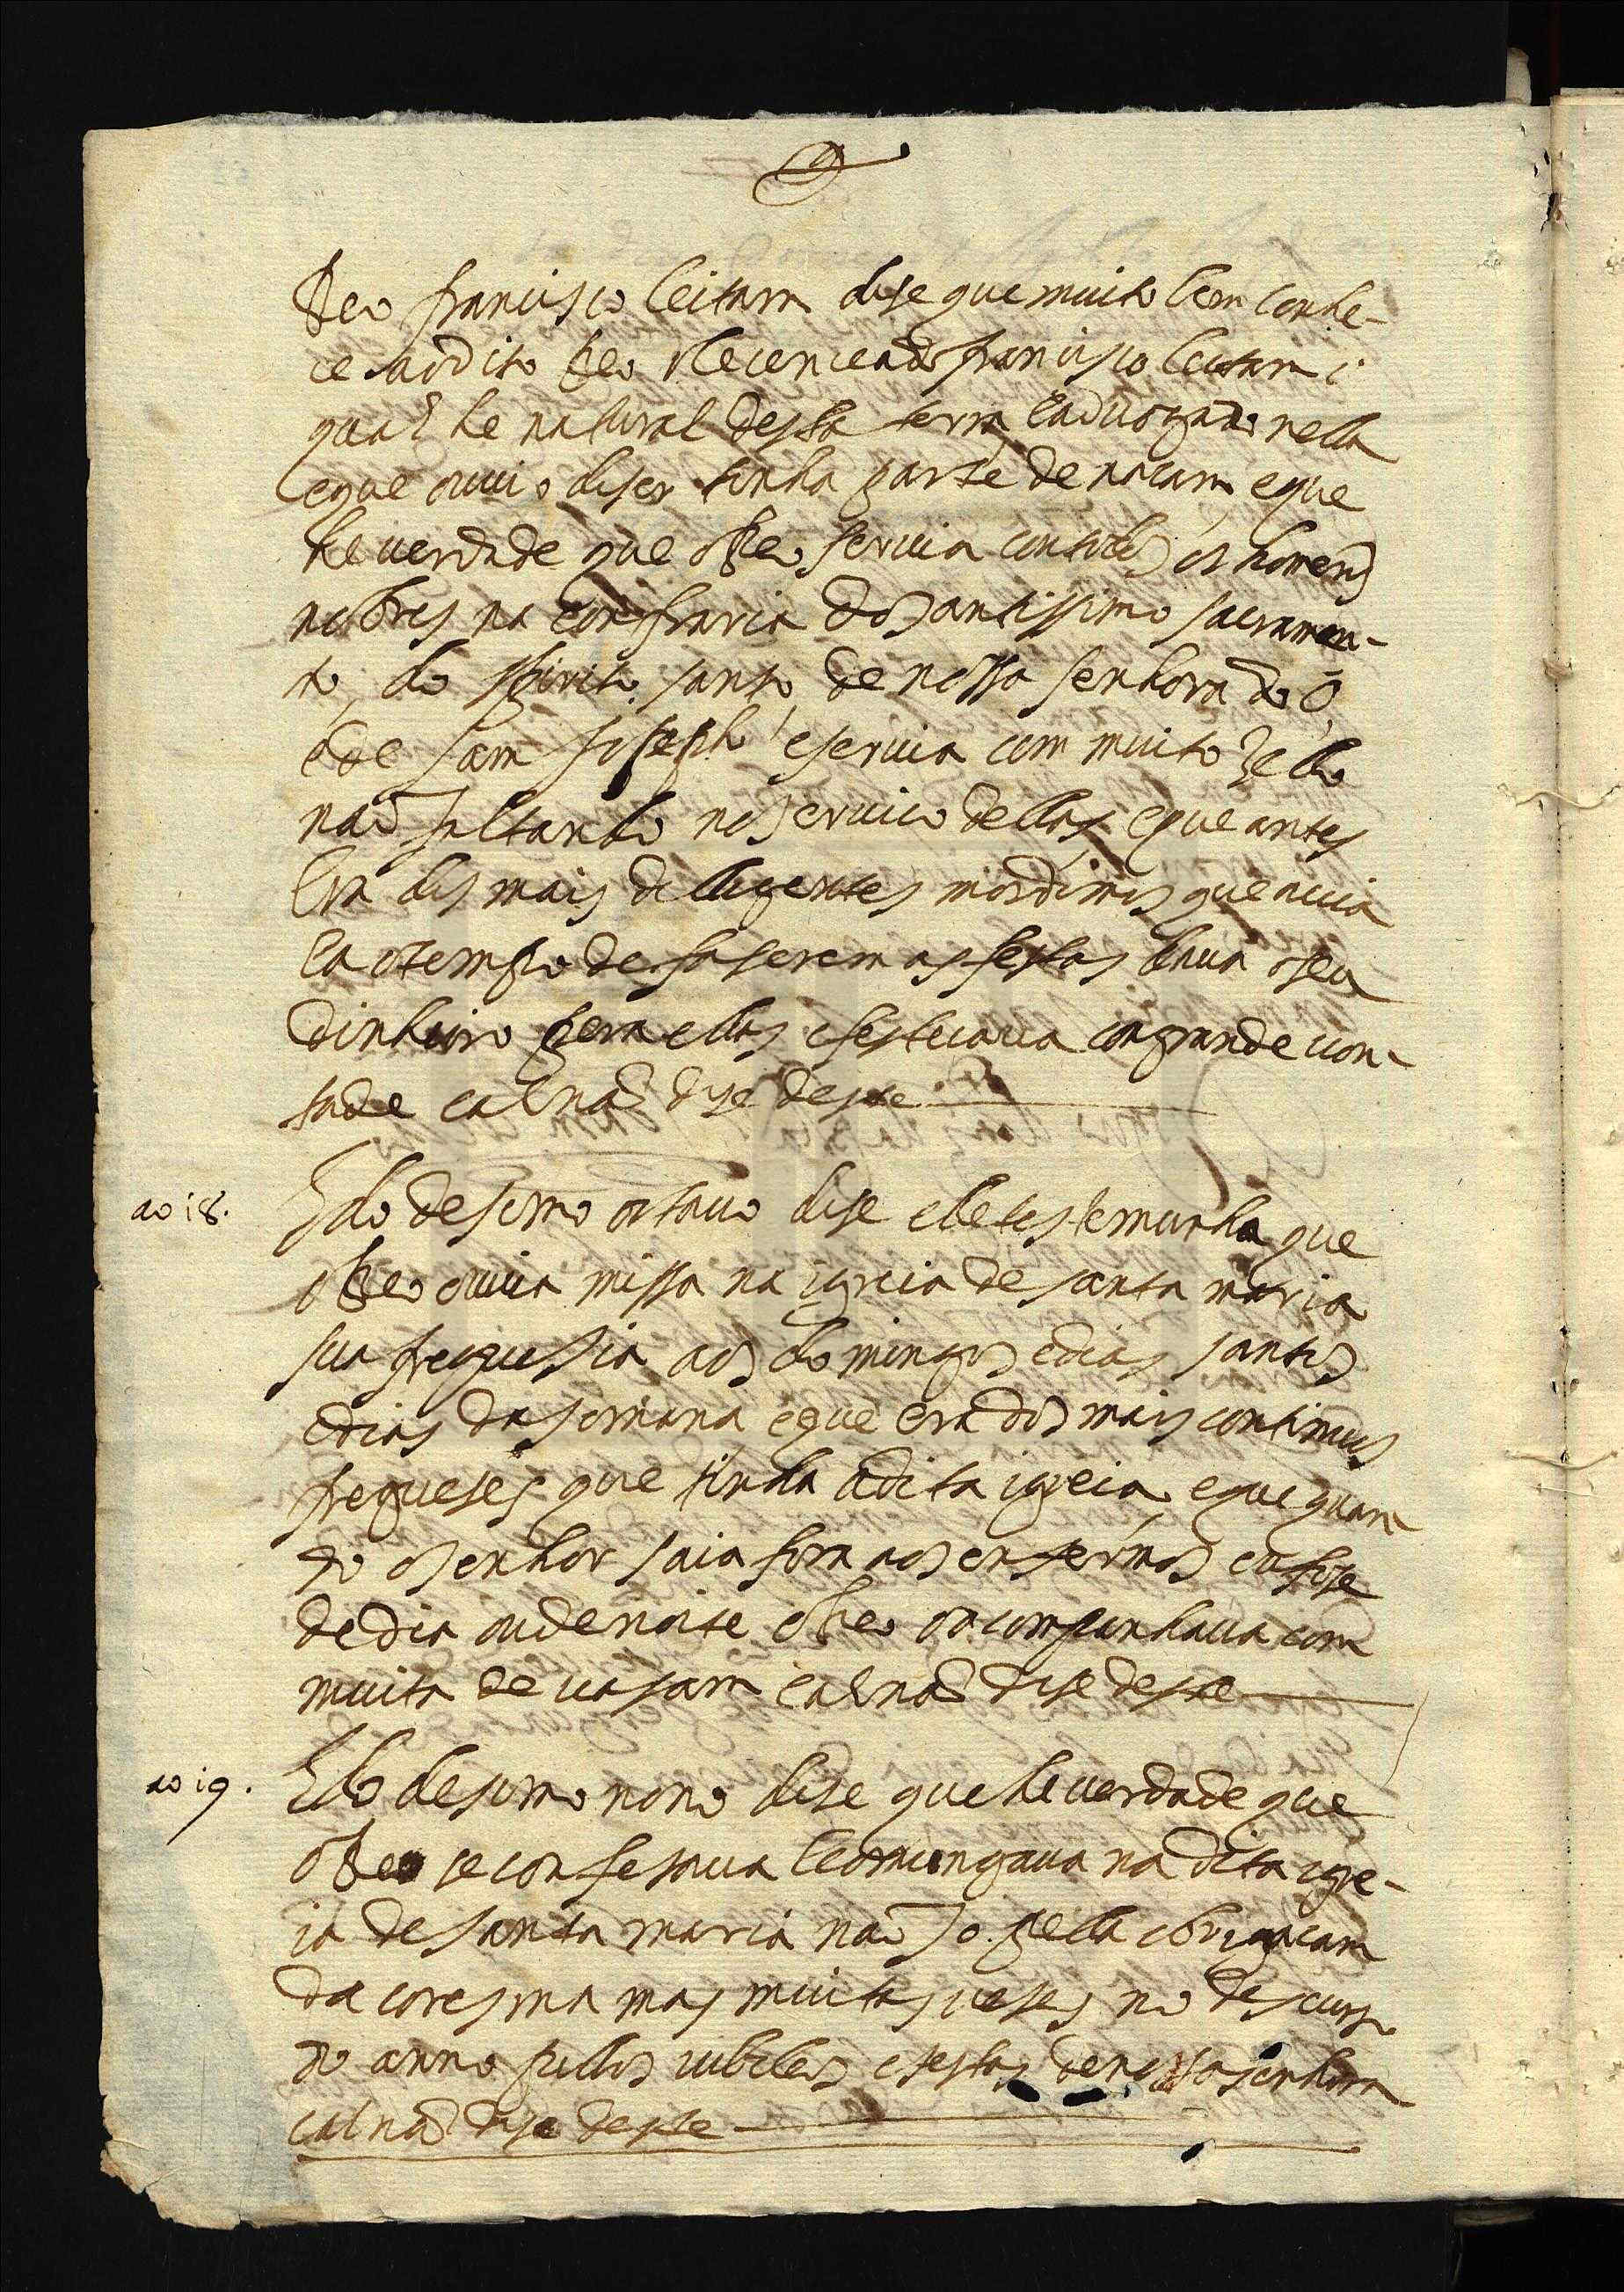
Reo francisco leitam dise que muito bem conhe
ce ao dito Reo o lecenceado francisco leitam o
qual he natural desta terra e aduogado nella
e que ouuio diser tinha parte de naçam, e que
he uerdade que o Reo seruia com todos os homens
nobres na confraria do santissimo sacramen
to, do spirito santo, de nossa senhora do Ó,
e de sam joseph e seruia com muito zello
naõ faltando no seruiço dellas, e que antes
era dos mais delligentes mordomos que auia
e ao tempo de faserem as festas daua o seu
dinheiro pera ellas e festeiaua con grande uon
tade e al naõ dise deste
E do desimo oitauo dise elle testemunha que
o Reo ouuia missa na igreia de santa maria
sua freguesia aos domingos e dias santos
e dias da semana, e que era dos mais continuos
fregueses que tinha a dita igreia, e que quan
do o senhor saia fora aos enfermos ou fose
de dia ou de noite o Reo o acompanhaua com
muita deuasam e al naõ dise deste
E do desimo nono dise que he uerdade que
o Reo se confesaua e comungaua na dita igre
ia de santa maria naõ so pella obrigaçam
da coresma mas muitas ueses no descurso
do anno pellos iubeleos e festas de nossa senhora
e al naõ dise deste
ao i8.
ao i9.
